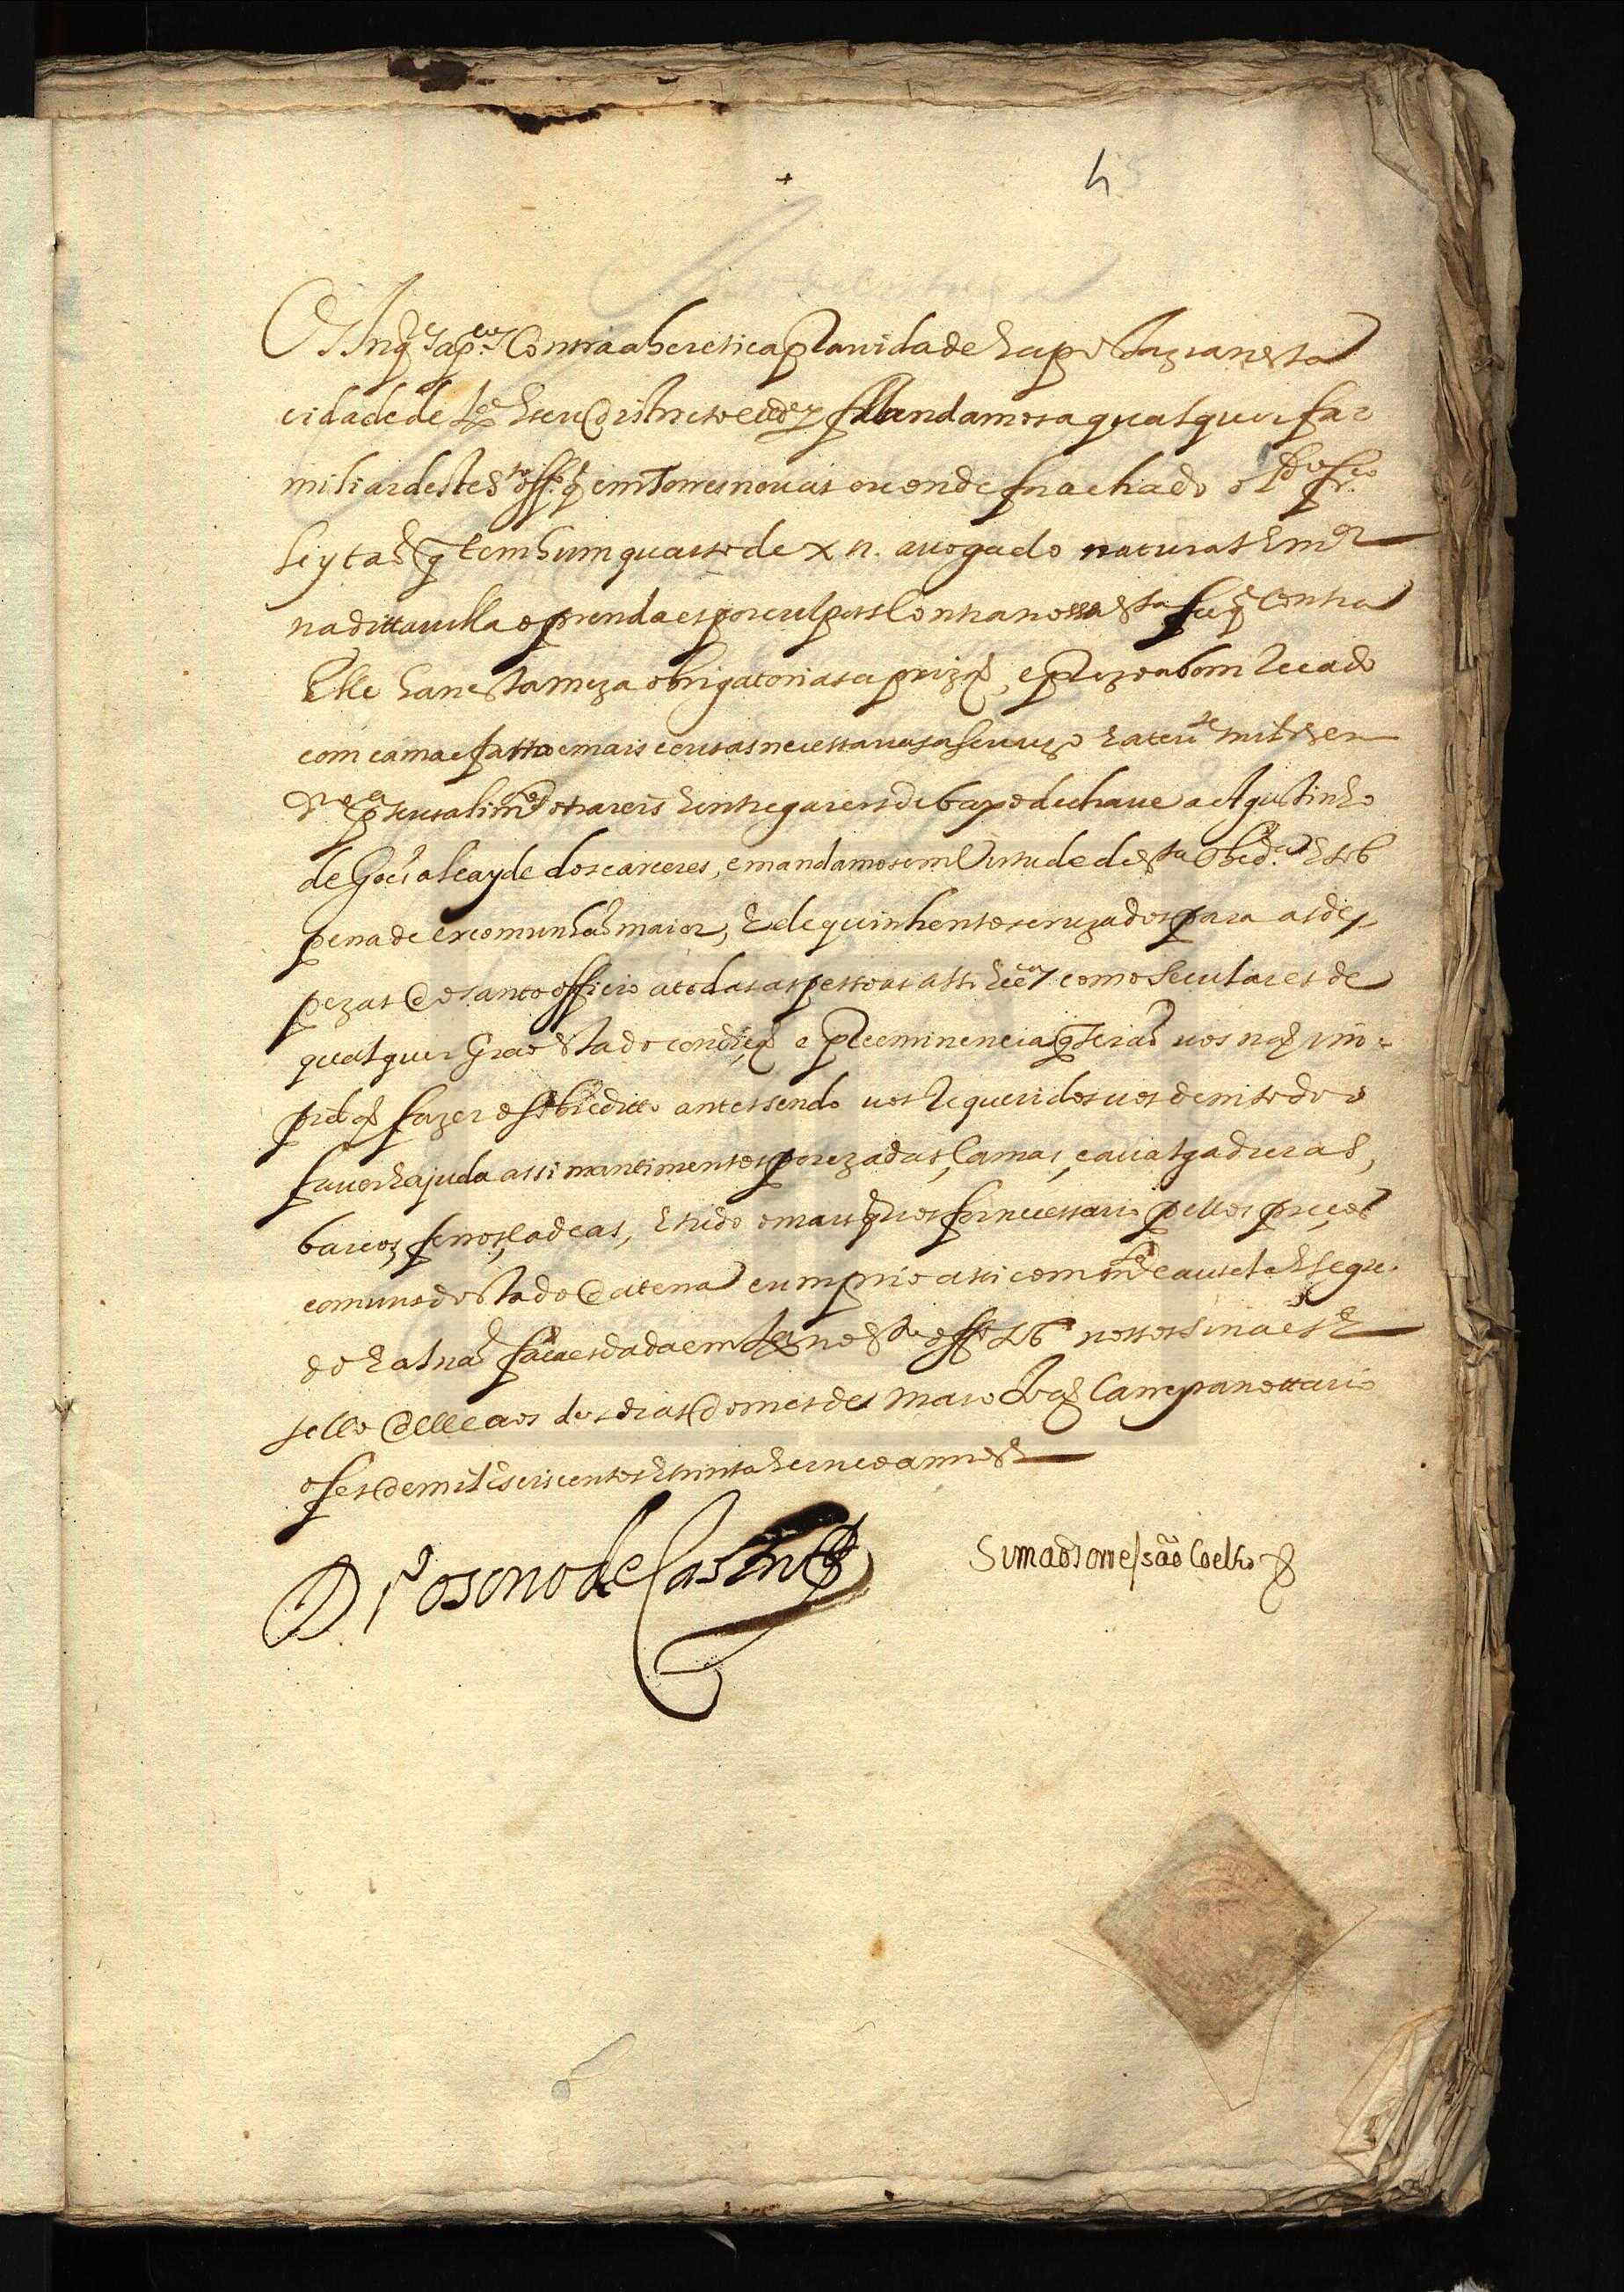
Os Inqres ap.cos contra a heretica pravidade E apostazia nesta
cidade de Lxa E seu districto etttꝭa Mandamos a qualquer fa
miliar deste sto offo q̄ em Torres nouas ou onde for achado o ldo fr.co
Leytaõ q̄ tem hum quarto de x n. auogado natural E mor
na ditta uilla o prendaes por culpas contra nossa sta fee q̄ contra
Elle ha nesta meza obrigatorias a prizaõ, e prezo a bom Recado
com cama e fatto e mais cousas necessarias a seu uzo E ate ute mil rs em
dro pa seus alimtos o trareis E entregareis debaxo de chaue a Agustinho
de Goēs alcayde dos carceres, e mandamos em Virtude de sta obed.a E sob
pena de excomunhaõ maior, E de quinhentos cruzados para as des
pezas do santo officio a todas as pessoas assi Eccas como seculares de
qualquer Grao estado condiçaõ e preeminencia q̄ seiaõ uos naõ im
pidaõ fazer o sobreditto antes sendo uos Requeridos uos dem todo o
fauor E ajuda assi mantimentos pouzadas, camas, caualgaduras,
barcos, ferros, cadeas, E tudo o mais q̄ uos for necessario pellos preços
comuns do stado da terra cumprio assi com mta cautela E segre
do E al naõ façaes dada em Lxa no sto offo sob nossos sinaes E
sello delle aos dez dias do mes de maio Ioaõ Carreyra nottario
o fes de mil E seiscentos E trinta E cinco annos
